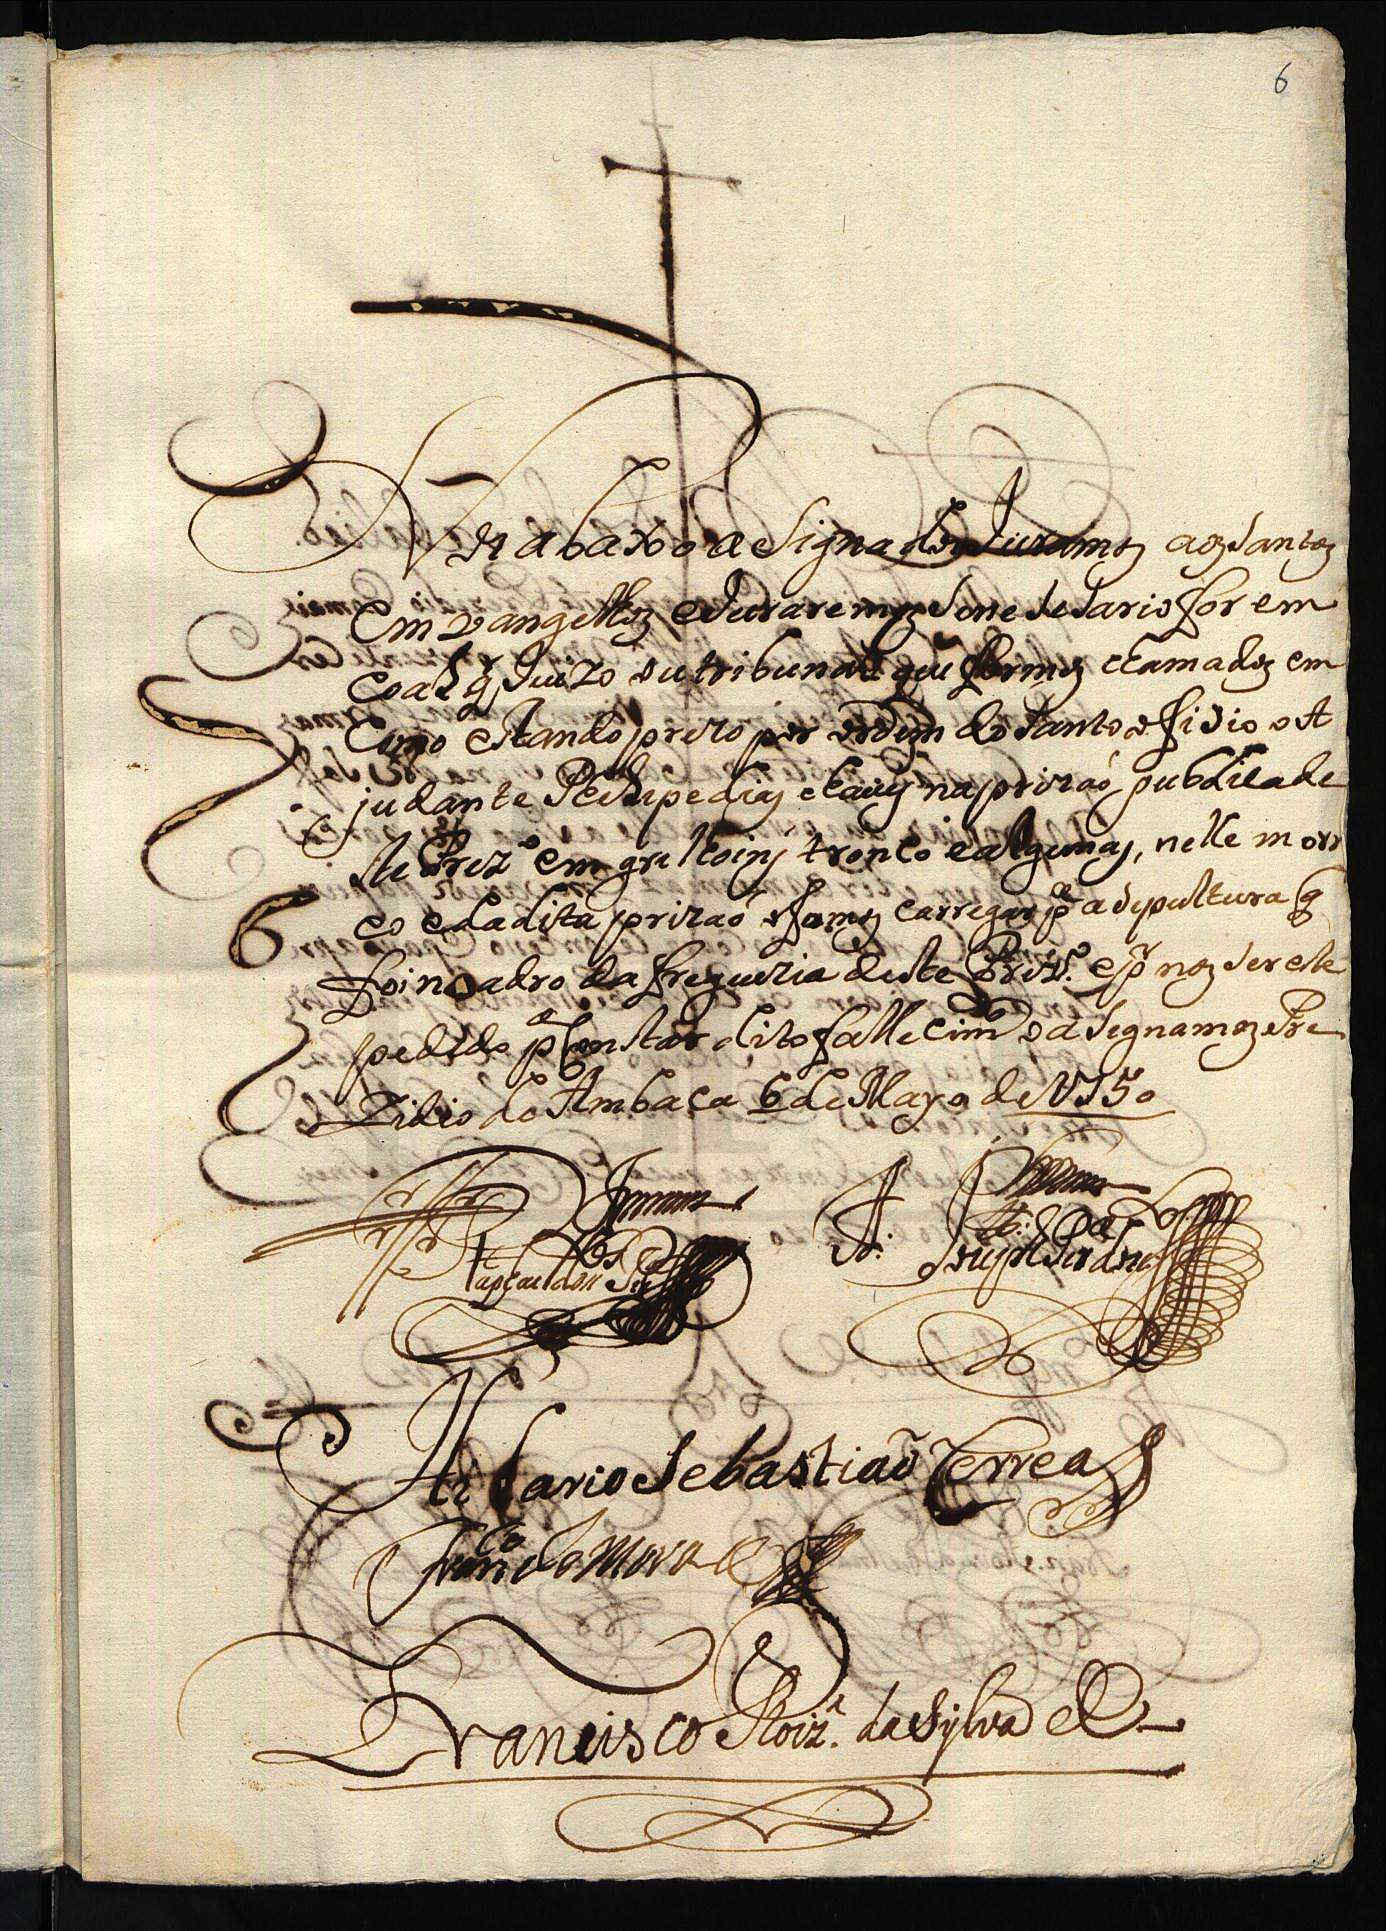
Nos abaxo asignados Iuramos aoz Santoz
emvangelhoz e Iuraremos se nesesario for em
coalqr Iuizo ou tribunal que formoz chamadoz em
Cargo estando prezo por ordem do santo offisio o A
judante Phelipe dias chaues na prizaõ publica de
ste Prezo em grelhoins tronco e algemas, nelle morr
eo, e da dita prizaõ o fomos carregar pa a sepultura q̄
foi no adro da freguezia deste Prez.o e p.r noz ser este
pedido pa Constar dito fallecim.to o asignamoz Pre
Zidio de Ambaca 6 de Mayo de 1750
Iozeph Pera dos stos
Hilario Sebastiaõ Correa
Franco de morao
Francisco Roiz̄ da Sylva
